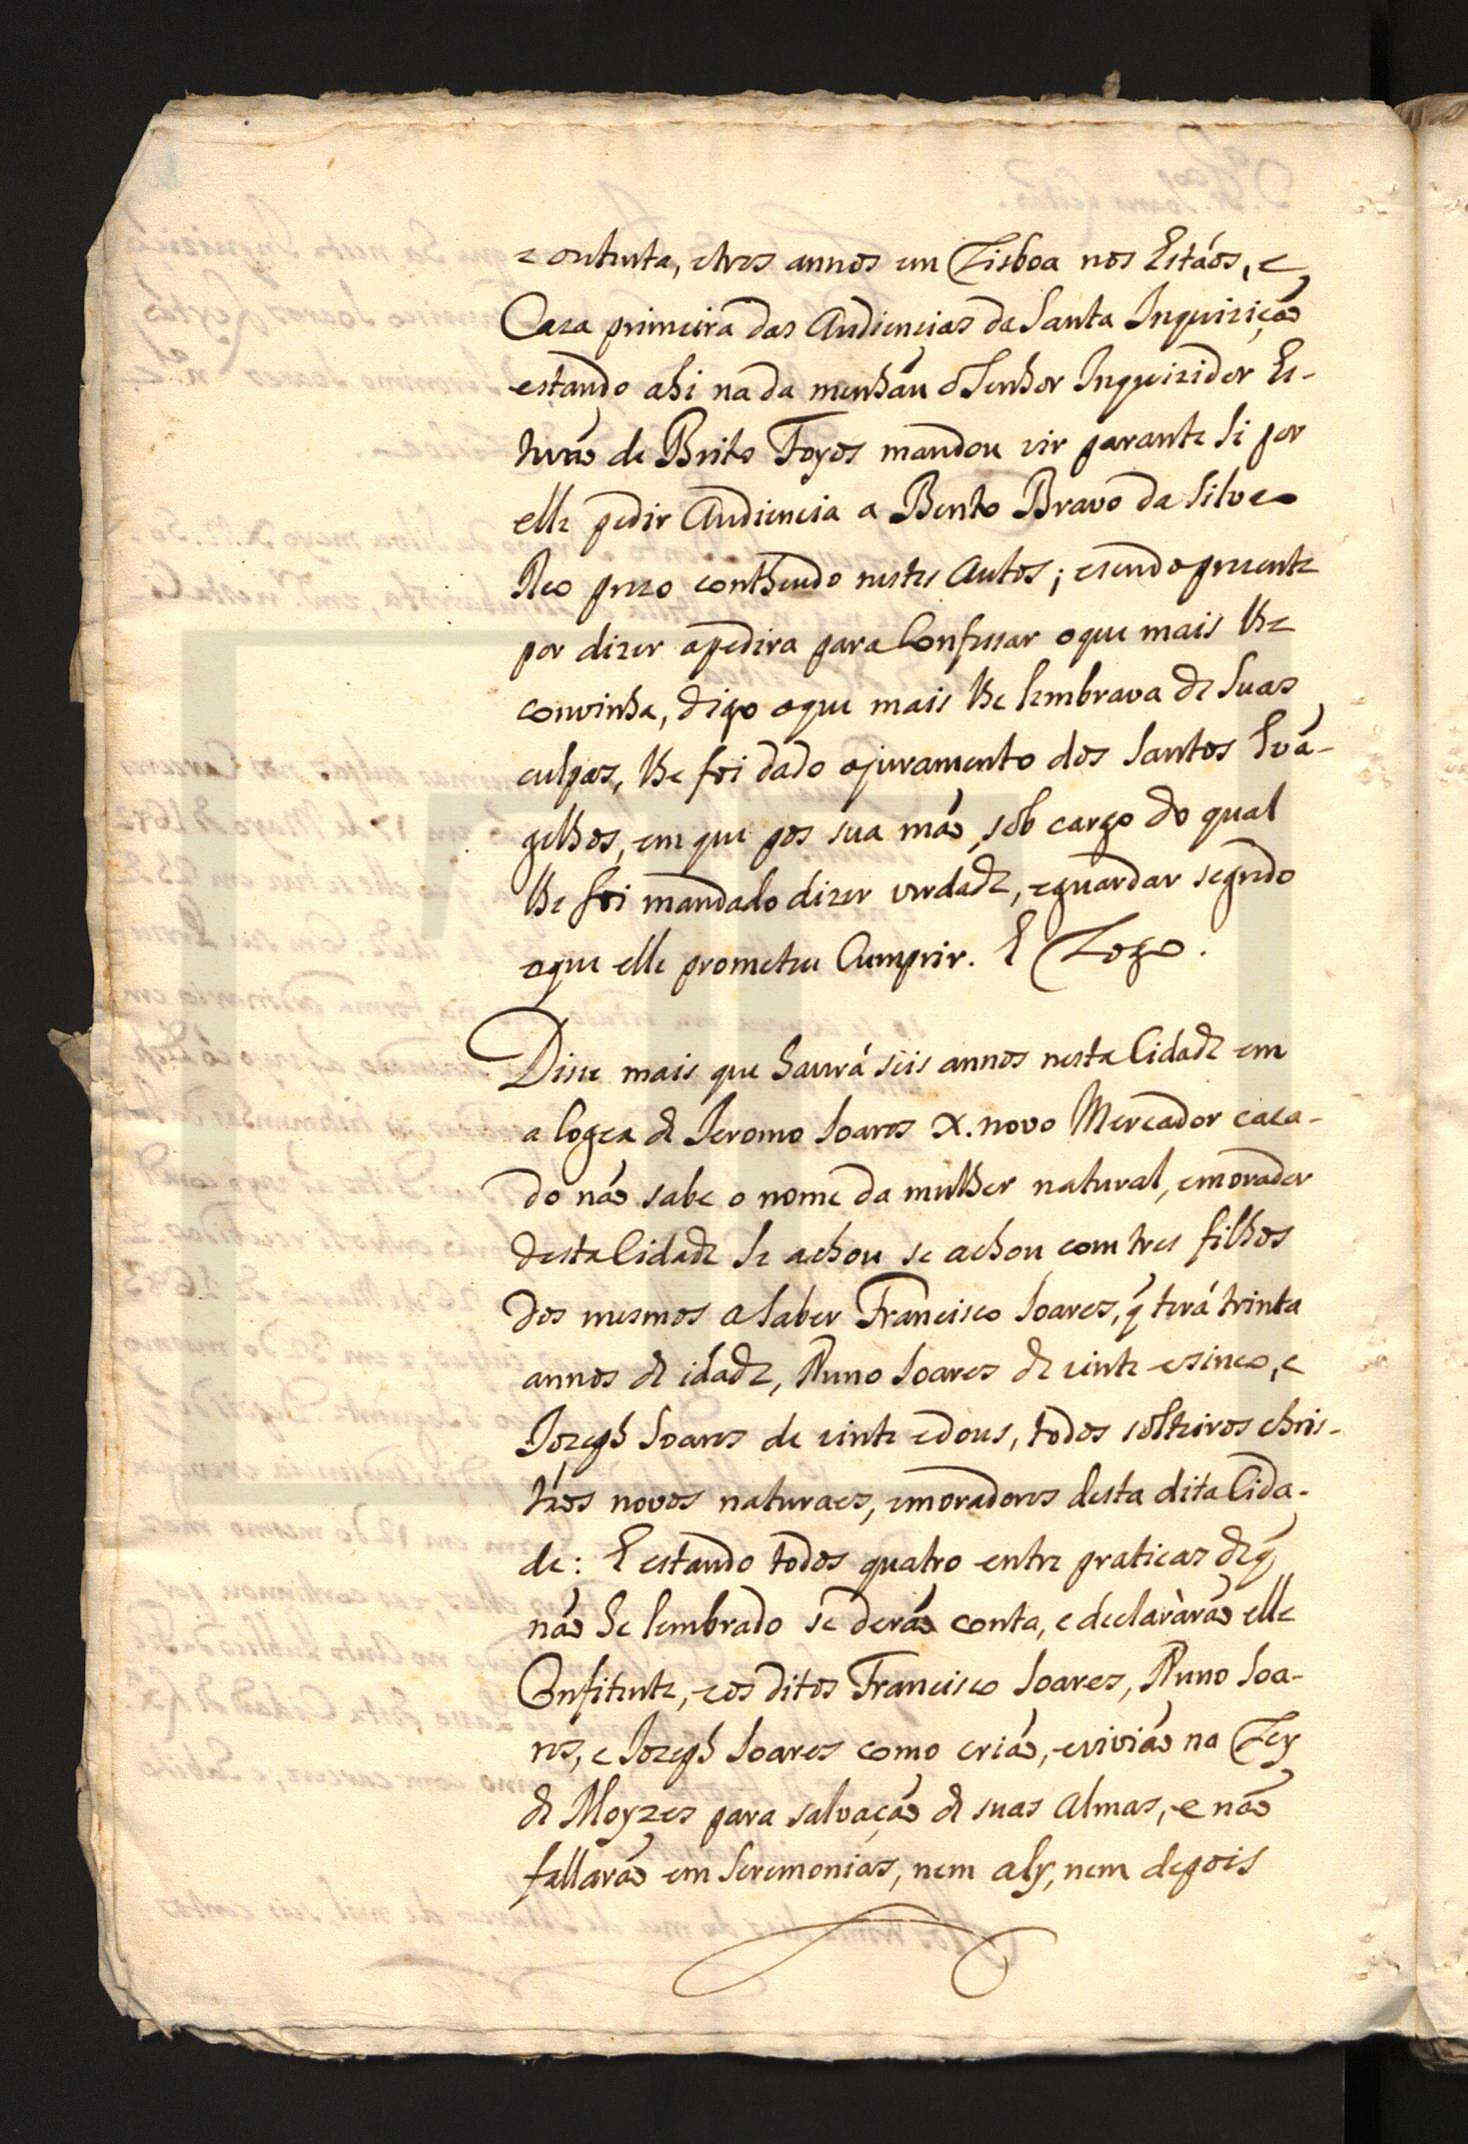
e outenta, e tres annos em Lisboa nos Estáos, e
Caza primeira das Audiencias da Santa Jnquizição
estando ahi na da menha̅n o Senhor Inquizidor Es
tevão de Brito Foyos mandou vir parante si por
elle pedir Audiencia a Bento Bravo da Silva
Reo prezo contheudo nestes Autos; e sendo prezente
por dizer a pedira para Confessar o que mais lhe
convinha, digo o que mais lhe lembrava de suas
culpas, lhe foi dado o juramento dos Santos Eva̅
gelhos, em que pos sua mão, sob cargo do qual
lhe foi mandado dizer verdade, e guardar segredo
o que elle prometeu Cumprir. E Logo.
Disse mais que haverá seis annos nesta Cidade em
a logea de Jeromo Soares X. novo Mercador caza
do não sabe o nome da mulher natural, e morador
desta Cidade se achou se achou com tres filhos
dos mesmos a saber Francisco Soares, q̅ terá trinta
annos de idade, Nuno Soares de vinte e sinco, e
Jozeph Soares de vinte e dous, todos solteiros chris
tãos novos naturaes, e moradores desta dita Cida
de: E estando todos quatro entre praticas de q̅
não he lembrado se derão conta, e declararão elle
Confitente, e os ditos Francisco Soares, Nuno Soa
res, e Jozeph Soares como crião, e vivião na Ley
de Moyzes para salvação de suas Almas, e não
fallarão em Seremonias, nem aly, nem depois
